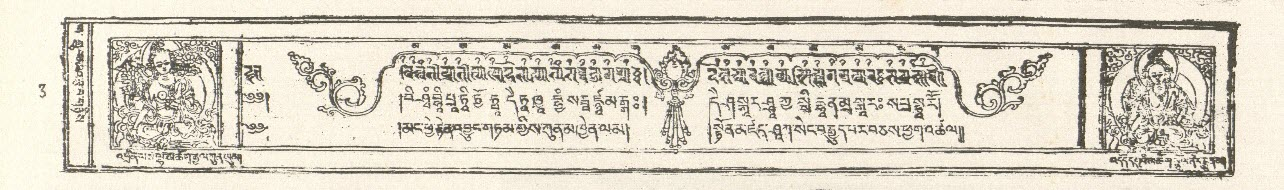༄༅། །བི་ཤྭཾ་བྷཱི་པྲཱ་ཏཱི་ཏྱོ་ཏྤཱ་དཻ་ཏཱ་ཁྱཱ་བྷྱཾ་སརྦཱ་ཛྙཱ་མརྒྒཿ། དཻ་ཤ་སྐཱར་ཤྴཱ་ཀྱ་སྶི་དྷཱ་ན་མྲ་སྐཱ་རཿས་པྲ་སྟཱ་རཽ།
༄༅། །མང་ཕྱེ་རྟེན་འབྱུང་གཏམ་གྱིས་ཀུན་མཁྱེན་ལམ། །སྟོན་མཛད་ཤཱཀ་སེང་བརྒྱུད་པར་བཅས་ཕྱག་འཚལ།།